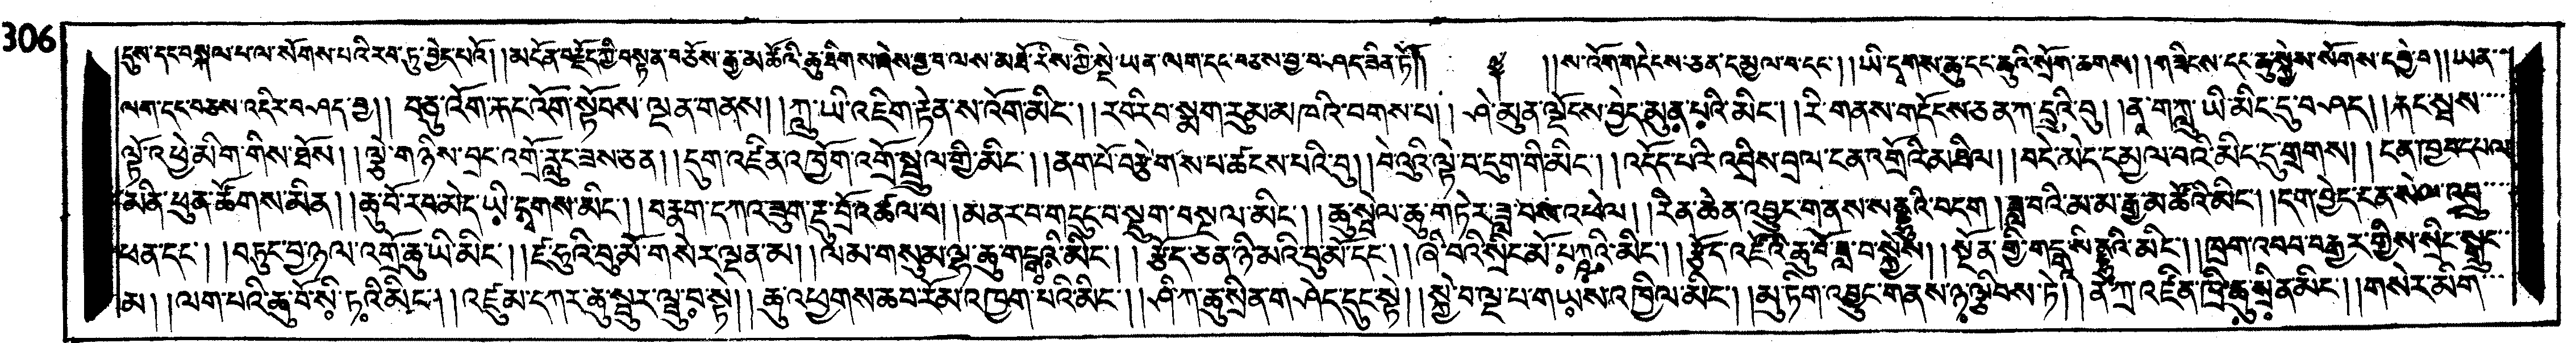དུས་དང་བསྐལ་པ་ལ་སོགས་པའི་རབ་ཏུ་བྱེད་པའོ། །མངོན་བརྗོད་ཀྱི་བསྟན་བཅོས་རྒྱ་མཚོའི་ཆུ་ཐིགས་ཞེས་བྱ་བ་ལས་མཐོ་རིས་ཀྱི་སྡེ་ཡན་ལག་དང་བཅས་བྱ་བ་ཤད་ཟིན་ཏོ།། འ་།།ས་འོག་གདེངས་ཅན་དམྱལ་བ་དང་། །ཡི་དྭགས་ཆུ་དང་ཆུའི་སྲོག་ཆགས། །གཟིངས་དང་ཆུ་སྐྱེས་སོགས་དབྱེ་བ། །ཡན་
ལག་དང་བཅས་འདིར་བཤད་བྱ། །བཅུ་འོག་རྐང་འོག་སྟོབས་ལྡན་གནས། །ཀླུ་ཡི་འཇིག་རྟེན་ས་འོག་མིང་། །རབ་རིབ་སྨག་རུམ་མཁའི་བགས་པ། ཤེ་མུན་ལྡོངས་བྱེད་མུན྾་པའི྾་མིང་། །རི་གནས་གདོངས་ཅན་ཀ་དྲུའི་བུ། །ནཱ་གྐླུ་ཡི་མིང་དུ་བཤད། །རྐང་སྦས་
ལྟོ་འཕྱེ་མིག་གིས་ཐོས། །ལྕེ་གཉིས་བྲང་འགྲོ་རླུང་ཟས་ཅན། །དུག་འཛིན་འཁྱོག་འགྲོ་སྦྲུལ་གྱི་མིང་། །ནག་པོ་བརྩེགས་པ་ཚངས་པའི་བུ། །བེའུའི་ལྟེ་བ་དྲུག་གི་མིང་། །འདོད་པའི་འབྲེང་བྲལ་ངན་འགྲོའི་མཐིལ། །བདེ་མེད་དམྱལ་བའི་མིང་དུ་གྲགས། །ངན་ཁྱབ་དཔལ་
མིན་ཕུན་ཚོགས་མིན། །ཆུ་བོ་རབ་མེད་ཡི྾་དྭགས྾་མིང་། །བྲང་དཀའ་ཟུག་རྡུ་བྲོ་འཚལ་བ། །མནར་བ་གདུང་བ་སྡུག་བསྔལ་མིང་། །ཆུ་སྦེལ་ཆུ་གཏེར་ཟླ་བས་འཕེལ། །རིན་ཆེན་འབྱུང་གནས་སདྷུའི་བདག །ཟླ་བའི་མ་མ་རྒྱ་མཚོའི་མིང་། །དག་བྱེད་ངན་སེལ་འབྲུ་
ཕན་དང་། །བཏུང་བྱ་ཉལ་འགྲོ་ཆུ་ཡི་མིང་། །རྫ་ཧུའི་བུ་མོ་གསེར་ལྡན་མ། །ལམ་གསུམ་ལྷ་ཆུ་གངྒ྾འི྾་མིང་། །རྩོད་ཅན་ཉི་མའི་བུ་མོ་དང་། །ཞི་བའི་སྲིང་མོ་པ྾ཀཥ྾འི྾་མིང་། །རྩོད་འཛོའི་ཆུ་བོ་ཟླ་བ་སྐྱེས། །སྔོན་གྱི་གངྒཱ་སིནྡྗུའི་མིང་། །ཁྲག་འབབ་བརྒྱར་གྱིས་སྲིང་སྒྲུང་
མ། །ལག་པའི་ཆུ་བོ་སི྾་ཏའི྾་མིང་། །འཛུམ་དཀར་ཆུ་སྦུར་ཝུ྾་བ་སྟེ། །ཆུ་འཕྱགས་ཆབ་རོམ་འཁྱག་པའི་མིང་། །ཤི་ཀ་ཆུ་སྲིན་གཤེད་དུང་སྟེ། །སྐྱེ་བ་ལྔ་པ་གཡས྾་འཁྱིལ་མིང་། །མུ་ཏིག་འབྱུང་གནས་ཉ྾་ལྕིབས་ཏེ། །ན་ཀྲ་འཛིན་ཁྲི་ཆུ྾་སྲིན྾་མིང་། །གསེར་མིག་